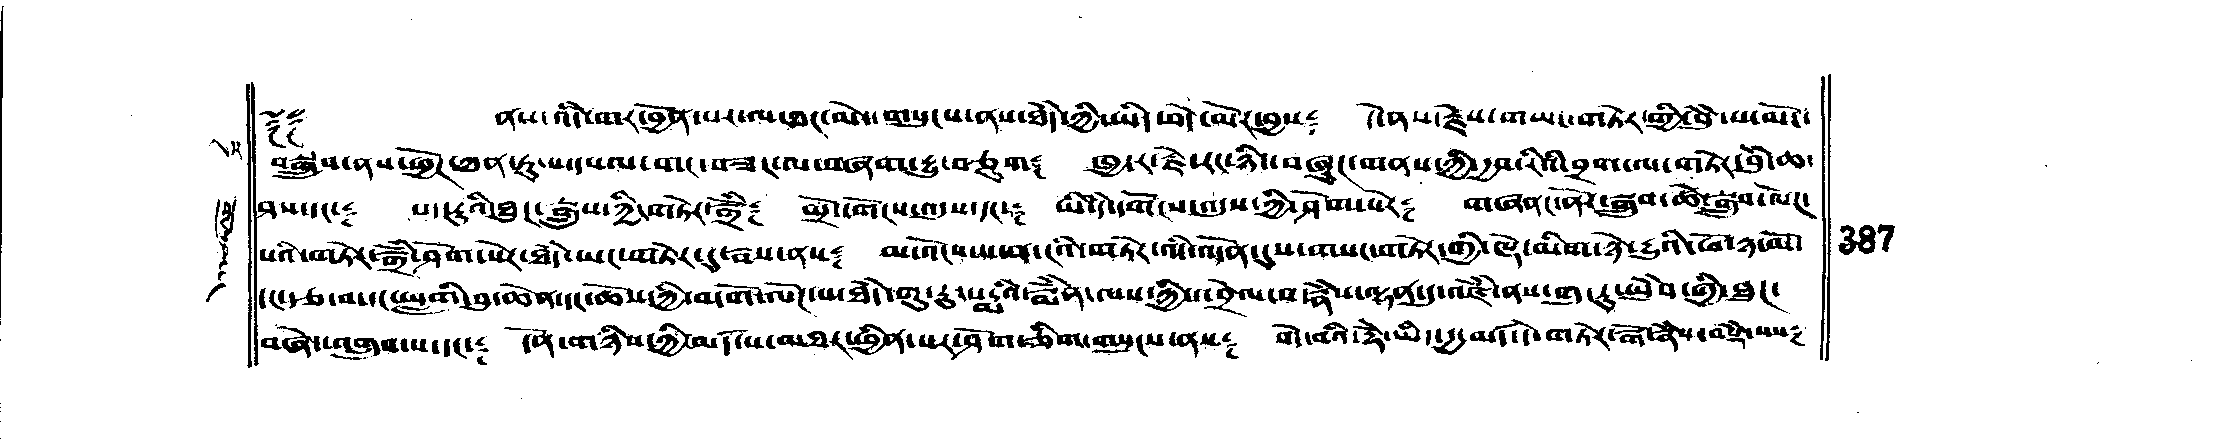ནས་འདི་གར་བྱོན་པར་ལ་ཐང་མེད་གསུངས་ནས་ཐམས་ཅད་ཀྱི་ཡི་བདེ་མོར་བྱས། དེ་ནས་རྗེས་གཡང་གཏེར་གྱི་བུམ་པ་མང་པོ་
སྒྲུབ་ནས་ཕྱོགས་ཀུན་ཏུ་ས་དཔལ་གང་བཟང་ལ་བཞག་རྒྱུ་༼ཧུ་?༽བཅུག ཁྱད་པར་རྗེ་རང་ཉིད་བཞུགས་གནས་ཀྱི་རྒྱབ་རིའི་བྲག་ལ་གཏེར་བུམ་ཆ་
ཤས་དང་། པད་རུའི་ཐུགས་སྒྲུབ་ཀྱི་གཏེར་སྒྲོམ། མཁའ་འགྲོ་དགོངས་འདུས་དང་། ཡི་དམ་དགོངས་འདུས་ཀྱི་ཤོག་སེར། གཞན་ཡང་ནོར་སྒྲུབ་ཚེ་སྒྲུབ་ལ་སོགས་
པའི་གཏེར་སྒྲོམ་ཤོག་སེར་ཐམས་ཅད་ཡང་གཏེར་དུ་སྦས་ནས། མ་འོངས་པ་ན་ངའི་གཏེར་འདི་འདོན་དུས་གསང་གཏེར་གྱི་ལྡེ་མིག་ཉེ་རྒྱུའི་ཕོ་ཉ་མོ་
དང་རྩ་བ་དང་ཡན་ལག་གི་བུ་ཆེན་དང་ཆོས་ཀྱི་བདག་པོ་ལ་སོགས་པ་ཐམས་ཅད་གུ་རུ་པདྨའི་སྨོན་ལམ་ལས་ཀྱིས་འབྲེལ་བ་རྣམས་ལྷན་དུ་འཛོམས་ནས་གུ་རུ་ཡབ་ཡུམ་གྱི་ཐུགས་
བཞེད་འགྲུབ་པ་དང་།དོན་གཉིས་ཀྱི་མཛད་པ་མཐར་ཕྱིན་པར་ཤོག་ཅིག་གསུངས་ནས། བདེ་བའི་རྡོ་རྗེ་ཡིད་རྒྱ་མཛད་དེ་གཏེར་སྒོ་རྣམས་བསྡམས་པས།